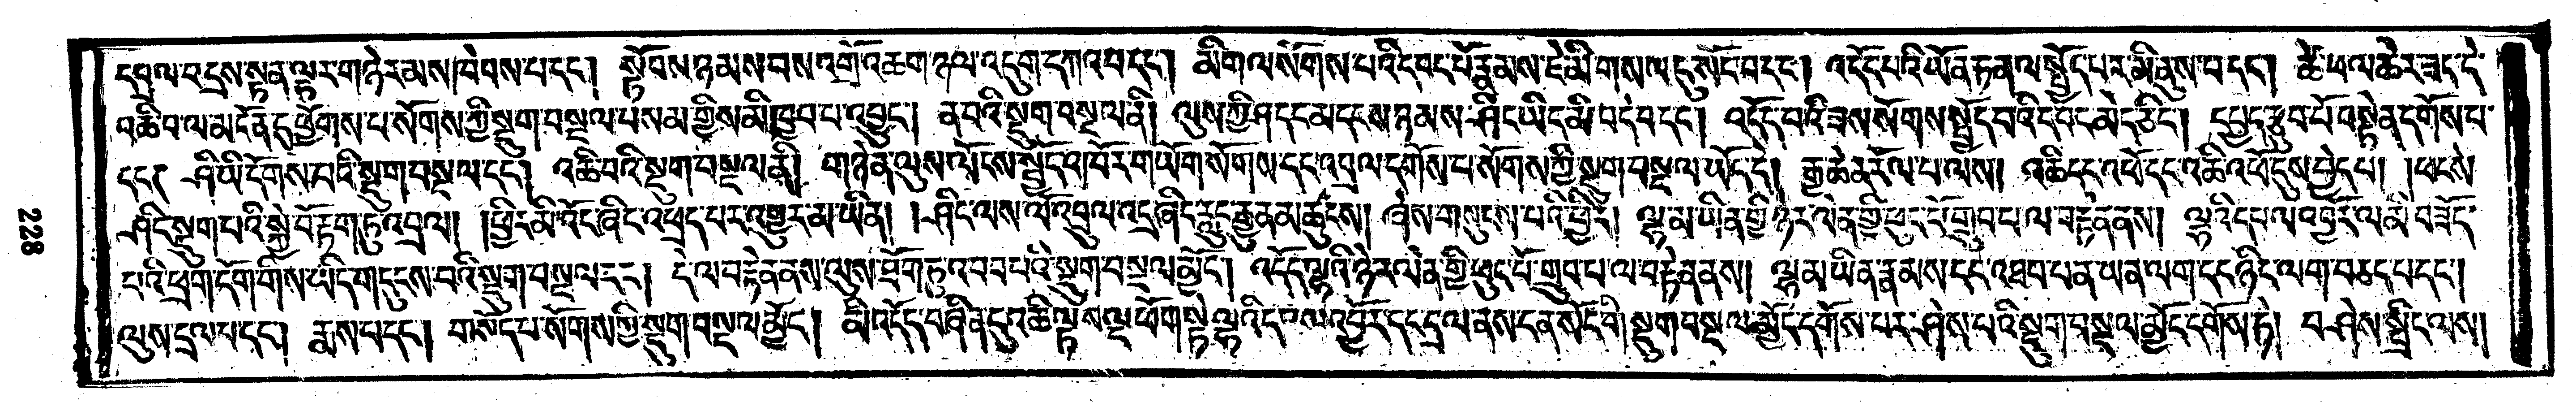དབྲལ་བ་དྲས་སྟན་ལྟར་གཉེར་མས་ཁེབས་པ་དང་། སྟོབས་ཉམས་བས་འགྲོ་འཆག་ཉལ་འདུག་དཀའ་བ་དང་། མིག་ལ་སོགས་པའི་དབང་པོ་རྣམས་ཇེ་མི་གསལ་དུ་སོང་བ་དང་། འདོད་པའི་ཡོན་ཏན་ལ་སྤྱོད་པར་མི་ནུས་པ་དང་། ཚེ་ཕལ་ཆེར་ཟད་དེ་
འཆི་བ་ལ་མངོན་དུ་ཕྱོགས་པ་སོགས་ཀྱི་སྡུག་བསྔལ་པས་མ་གྱིས་མི་ཁྱབ་པ་འབྱུང་། ན་བའི་སྡུག་བསྔལ་ནི། ལུས་ཀྱི་ཤ་དང་མདངས་ཉམས་ཤིང་ཡིད་མི་བདེ་བ་དང་། འདོད་བའི་ཟས་སོགས་སྤྱོད་བའི་དབང་མེད་ཅིང་། དཔྱད་རྩུབ་པོ་བསྟེན་དགོས་པ་
དང༑ ཤི་ཡི་དོགས་པའི་སྡུག་བསྔལ་དང་། འཆི་བའི་སྡུག་བསྔལ་ནི། གཉེན་ལུས་ལོངས་སྤྱོད་འཁོར་གཡོག་སོགས་དང་འབྲལ་དགོས་པ་སོགས་ཀྱི་སྡུག་བསྔལ་ཡོད་དེ། རྒྱ་ཆེན་རོལ་པ་ལས། འཆི་དང་འཕོ་དང་འཆི་འཕོ་དུས་བྱེད་པ། །ཕངས་
ཤིང་སྡུག་པའི་སྐྱེ་བོ་རྟག་ཏུ་འབྲལ། །ཕྱིར་མི་འོང་ཞིང་འཕྲད་པར་འགྱུར་མ་ཡིན། །ཤིང་ལས་ལོ་འབྲུལ་འདྲ་ཞིང་རླུང་རྒྱུན་མཚུངས། ཞེས་གསུངས་པའི་ཕྱིར། ལྷ་མ་ཡིན་གྱི་ཉེར་ལེན་གྱི་ཕུང་པོ་གྲུབ་པ་ལ་བརྟེན་ནས། ལྷའི་དཔལ་འབྱོར་ལ་མི་བཟོད་
པའི་ཕྲག་དོག་གིས་ཡིད་གདུངས་བའི་སྡུག་བསྔལ་དང་། དེ་ལ་བརྟེན་ནས་ལུས་ཐོག་ཏུ་འབབ་པའི་སྡུག་བསྔལ་མྱོང་། འདོད་ལྷའི་ཉེར་ལེན་གྱི་ཕུང་པོ་གྲུབ་པ་ལ་བརྟེན་ནས། ལྷ་མ་ཡིན་རྣམས་དང་འཐབ་པ་ན་ཡན་ལག་དང་ཉིང་ལག་བཅད་པ་དང་།
ལུས་དྲལ་པ་དང་། རྨས་པ་དང་། གསོད་པ་སོགས་ཀྱི་སྡུག་བསྔལ་མྱོང་། མི་འདོད་བཞིན་དུ་འཆི་ལྟས་ལྔ་ཕོག་སྟེ་ལྷའི་དབལ་འབྱོར་དང་དྲལ་ནས་ངན་སོང་གི་སྡུག་བསྔལ་མྱོང་དགོས་པར་ཤེས་པའི་སྡུག་བསྔལ་མྱོང་དགོས་ཏེ། བཤེས་སྦྲིང་ལས།